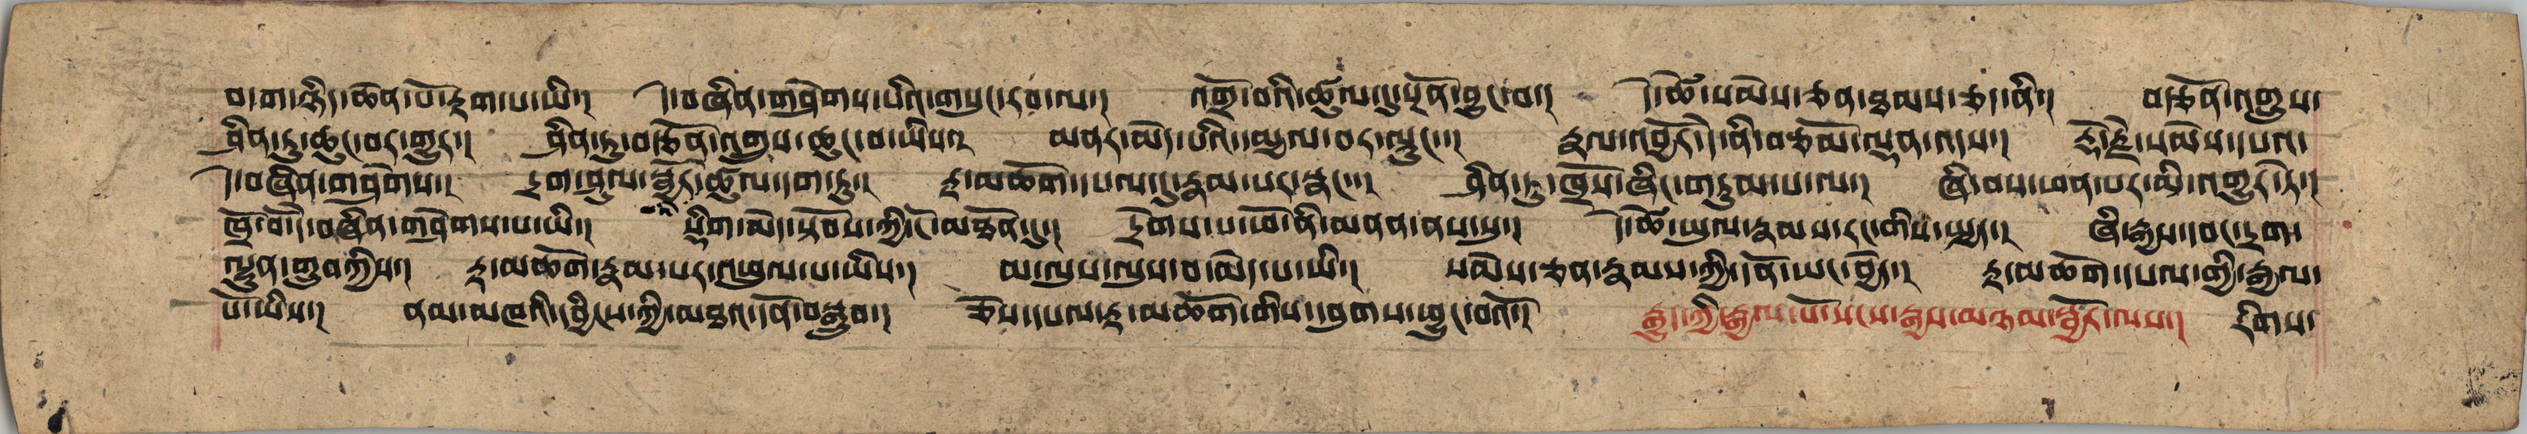བདག་ཉིད་ཆེན་པོ་རྟག་པ་ཡི་། དེ་བཞིན་གཤེགས་པའི་གསུང་རབ་ལ་། འགྲོ་བའི་ཚུལ་དུ་སྔོན་བྱུང་བ་། དེ་ཚེ་སེམས་ཅན་ཐམས་ཅད་ནི་། བརྩོན་འགྲུས་
ཤིན་ཏུ་ཆུང་བར་གྱུར་། ཤིན་ཏུ་བརྩོན་འགྲུས་ཆུང་བ་ཡིས་། མནར་མེད་པའི་དམྱལ་བར་ལྟུང་་། རྣལ་འབྱོར་དེ་ནི་བཅོམ་ལྡན་འདས་། རྡོ་རྗེ་སེམས་དཔའ་
དེ་བཞིན་གཤེགས་། དྲག་ཤུལ་སྦྱོར་ཚུལ་དག་ཏུ་། རྟ་མཆོག་དཔལ་དུ་རྣམ་པར་སྣང་་། ཤིན་ཏུ་ཁྲོས་ཞིང་གཏུམ་པ་ལ་། ཞི་བས་ཕན་པར་མི་འགྱུར་ཏེ་།
ཁྲོ་བོ་དེ་བཞིན་གཤེགས་པ་ཡི་། སྡིག་མེད་སྟོབས་ཀྱི་ངོ་མཐོན་དུ་། དྲེགས་པ་ཕོ་ནི་མནན་ནས་སུ་། དེ་ཚེ་ཡུལ་རྣམས་རང་གིས་སྤྱད་། ཞི་རྒྱས་དབང་དྲག་
ལྷུན་གྲུབ་ཀྱིས་། རྟ་མཆོག་རྣམ་པར་འཕྲུལ་པ་ཡིས་། མ་ལུས་ལུས་བ་མེད་པ་ཡི་། སེམས་ཅན་རྣམས་ཀྱི་དོན་ཡང་བྱེད་། རྟ་མཆོག་དཔལ་གྱི་རྒྱལ་
པོ་ཡིས་། ནམ་མཁའི་དབྱིངས་ཀྱི་མཐའ་དོན་བསྒྲུབ་། ཅེས་དཔལ་རྟ་མཆོག་དབུགས་ཕྱུང་བའོ་། རྒྱུད་ཀྱི་རྒྱལ་པོ་སངས་རྒྱས་མཉམ་སྦྱོར་ལས་། རིགས་